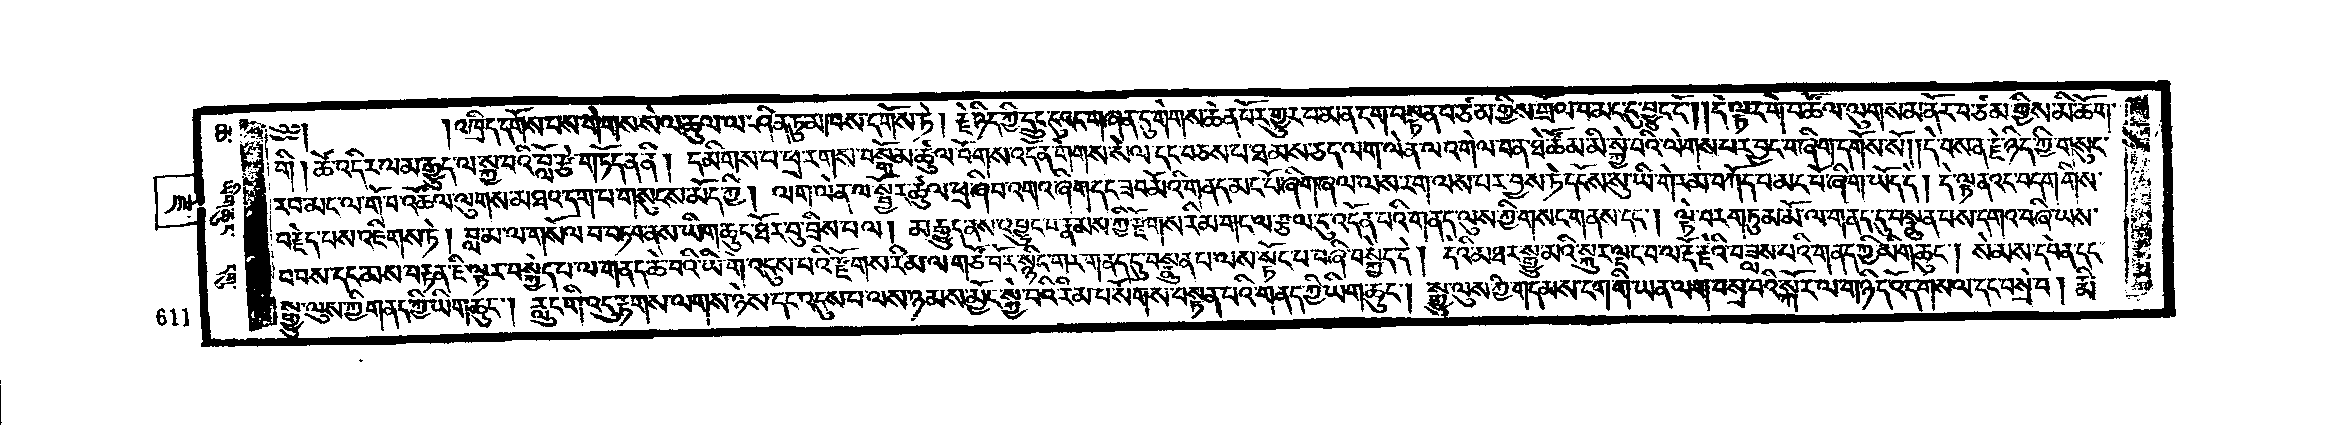༄༅། །འཁྲིད་དགོས་པས་གེགས་སེལ་ཚུལ་ལ་ཤིན་ཏུ་མཁས་དགོས་ཏེ། རྗེ་ཉིད་ཀྱི་དྲུང་དུའང་གཞན་དུ་གེགས་ཆེན་པོར་གྱུར་པ་མན་ངག་བསྟན་པ་ཙམ་གྱིས་གྲོལ་བ་མང་དུ་བྱུང་ངོ། །དེ་ལྟར་གེ་བ་ཚོལ་ལུགས་མ་ནོར་བ་ཙམ་གྱིས་མི་ཆོག་
གི །ཚེ་འདིར་ལམ་རྒྱུད་ལ་སྐྱེ་བའི་བློ་རྩེ་གཏོད་ན་ནི། དམིགས་པ་ཕྲ་རགས་བསྒོམ་ཚུལ་བོགས་འདོན་གེགས་སེལ་དང་བཅས་པ་ཐམས་ཅད་ལག་ལེན་ལ་འགེལ་བ་ན་ཐེ་ཚོམ་མི་སྐྱེ་བའི་ལེགས་པར་བྱང་བ་ཞིག་དགོས་སོ། །དེ་བས་ན་རྗེ་ཉིད་ཀྱི་གསུང་
རབ་མང་ལ་གོ་བ་འཚོལ་ལུགས་མཐའ་དག་པ་གསུངས་མོད་ཀྱི། ལག་ལེན་ལ་སྦྱོར་ཚུལ་ཕྲ་ཞིབ་འགའ་ཞིག་དང་ཟབ་མོའི་གནད་མང་པོ་ཞིག་ཞལ་ལས་རག་ལས་བྱས་ཏེ་དངོས་སུ་ཡི་གེར་མ་བཀོད་པ་མང་པོ་ཞིག་ཡོད་དེ། ལྟ་ནའང་བདག་གིས་
བརྗེད་པས་འཇིགས་ཏེ། བླ་མ་ལ་གསོལ་བ་བཏབ་ནས་ཡིག་ཆུང་ཐོར་བུ་བྲིས་པ་ལ། མ་རྒྱུད་ནས་འབྱུང་བ་རྣམས་ཀྱི་རྫོགས་རིམ་གང་ལ་རྩལ་དུ་འདོན་པའི་གནད་ལུས་ཀྱི་གསང་གནས་དང་། ལྟེ་བར་གཏུམ་མོ་ལ་གནད་དུ་བསྣུན་པས་དགའ་བཞི་ཡས་
བབས་དང་མས་བརྟན་ཇི་ལྟར་བསྐྱེད་པ་ལ་གནད་ཆེ་བའི་ཡི་གེ་འདུས་པའི་རྫོགས་རིམ་ལ་གཙོ་བོར་སྙིང་གར་གནད་དུ་བསྣུན་པ་ལས་སྟོང་པ་བཞི་བསྐྱེད་དེ། དེའི་མཐར་སྒྱུ་མའི་སྐུར་ལྡང་བ་ལ་རྡོ་རྗེའི་བཟླས་པའི་གནད་ཀྱི་ཡིག་ཆུང་། སེམས་དབེན་དང་
སྒྱུ་ལུས་ཀྱི་གནད་ཀྱི་ཡིག་ཆུང་། རླུང་གི་འདུ་རྟགས་ལགས་ཉེས་དང་འདུས་པ་ལས་ཉམས་མྱོང་སྐྱེ་བའི་རིམ་པ་སོགས་བསྟན་པའི་གནད་ཀྱི་ཡིག་ཆུང་། སྒྱུ་ལུས་ཀྱི་གདམས་ངག་གི་ཡན་ལག་བསྲ་བའི་སྐོར་ལ་གཉིད་འོད་གསལ་དང་བསྲེ་བ། རྨི་